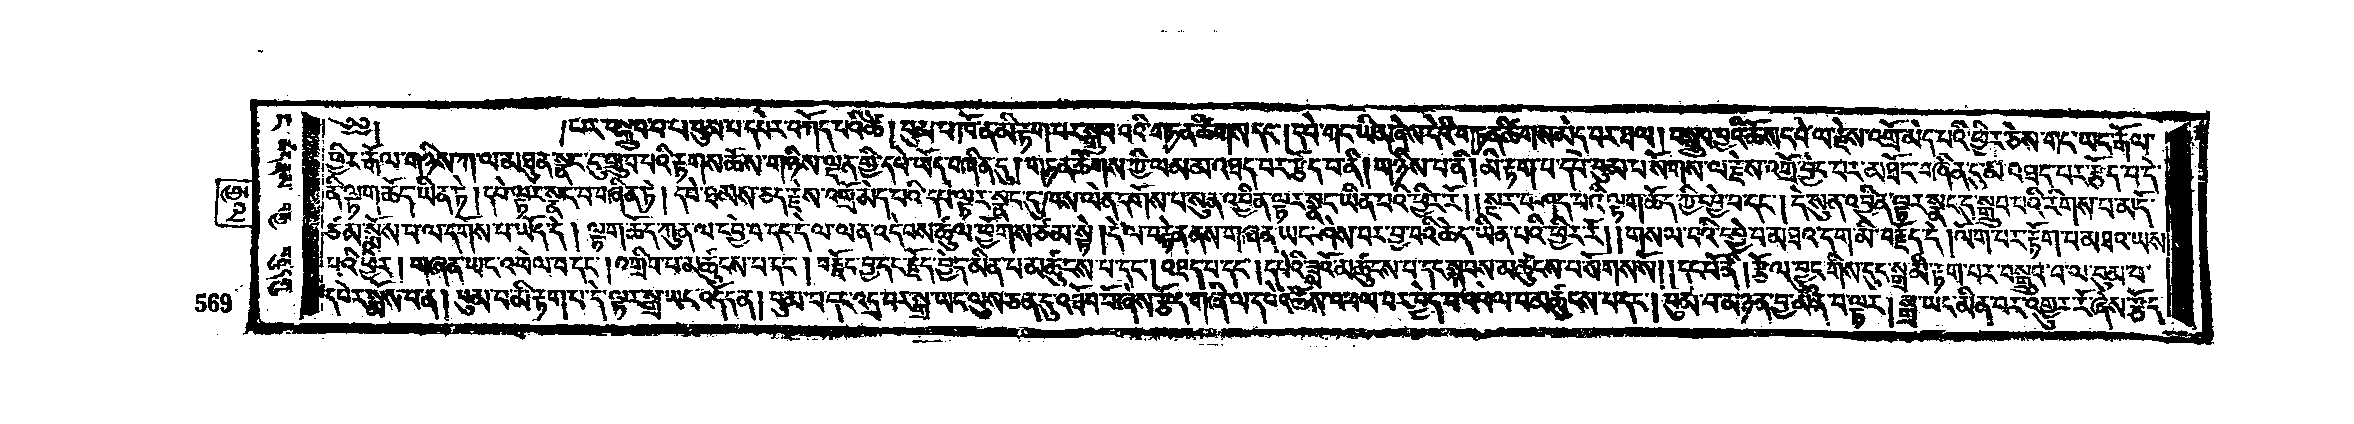༄༅། །པར་བསྒྲུབ་པ་པ?་བུམ་པ་དཔེར་བཀོད་པའི་ཚེ། བུམ་པ་ཁོ་ན་མི་རྟག་པར་སྒྲུབ་པའི་གཏན་ཚིགས་དང་། དཔེ་གང་ཡིན་ཞེས་དེའི་གཏན་ཚིགས་མེད་པར་ཐལ། བསྒྲུབ་བྱའི་ཆོས་དཔེ་ལ་རྗེས་འགྲོ་མེད་པའི་ཕྱིར་ཅེས་གང་ཡང་རྒོལ་
ཕྱིར་རྒོལ་གཉིས་ཀ་ལ་མཐུན་སྣང་དུ་གྲུབ་པའི་རྟགས་ཆོས་གཉིས་ལྡན་གྱི་དཔེ་ཡོད་བཞིན་དུ། གཏན་ཚིགས་ཀྱི་ལམ་མ་འཐད་པར་རྩོད་པ་ནི། གཉིས་པ་ནི། མི་རྟག་པ་དཔེ་བུམ་པ་སོགས་ལ་རྗེས་འགྲོ་བྱེད་པར་མཐོང་བཞིན་དུ་མ་འཐད་པར་རྩོད་པ་དེ་
ནི་ལྟག་ཆོད་ཡིན་ཏེ། དཔེ་ལྟར་སྣང་བ་བཞིན་ཏེ། དཔེ་ཐམས་ཅད་རྗེས་འགྲོ་མེད་པའི་དཔེ་ལྟར་སྣང་དུ་ཁས་ལེན་དགོས་པ་སུན་འབྱིན་ལྟར་སྣང་ཡིན་པའི་ཕྱིར་རོ། །སྔར་བཤད་པའི་ལྟག་ཆོད་ཀྱི་དབྱེ་བ་དང་། དེ་སུན་འབྱིན་ལྟར་སྣང་དུ་སྒྲུབ་པའི་རིགས་པ་མདོ་
ཙམ་སྨོས་པ་ལ་དགོས་པ་ཡོད་དེ། ལྟག་ཆོད་ཀུན་ལ་དབྱེ་བ་དང་དེ་ལ་ལན་འདེབས་ཚུལ་ཕྱོགས་ཙམ་སྟེ། དེ་ལ་བརྟེན་ནས་གཞན་ཡང་ཤེས་པར་བྱ་བའི་ཆེད་ཡིན་པའི་ཕྱིར་རོ། །གསལ་བའི་དབྱེ་བ་མཐའ་དག་མི་བརྗོད་དེ། ལོག་པར་རྟོག་པ་མཐའ་ཡས་
པའི་ཕྱིར། གཞན་ཡང་འཕེལ་བ་དང་། འགྲིབ་པ་མཚུངས་པ་དང་། བརྗོད་བྱ་དང་རྗོད་བྱེད་མིན་པ་མཚུངས་པ་དང་། འཐད་པ་དང་། དཔེའི་ཟླའོ་མཚུངས་པ་དང་སྐབས་མཚུངས་པ་སོགས་སོ། །དང་པོ་ནི། རྩོལ་བྱུང་གིས་དུང་སྒྲ་མི་རྟག་པར་བསྒྲུབ་པ་ལ་བུམ་པ་
དཔེར་སྨོས་པ་ན། བུམ་པ་མི་རྟག་པ་དེ་ལྟར་སྒྲ་ཡང་འདོད་ན། བུམ་པ་དང་འདྲ་བར་སྒྲ་ཡང་ལུས་ཅན་དུ་འཐོབ་བོ་ཞེས་རྩོད་གཞི་ལ་དཔེའི་ཆོས་འཕེལ་བར་བྱེད་པ་འཕེལ་བ་མཚུངས་པ་དང་། བུམ་པ་མཉན་བྱ་མིན་པ་ལྟར། སྒྲ་ཡང་མིན་པར་འགྱུར་རོ་ཞེས་རྩོད་